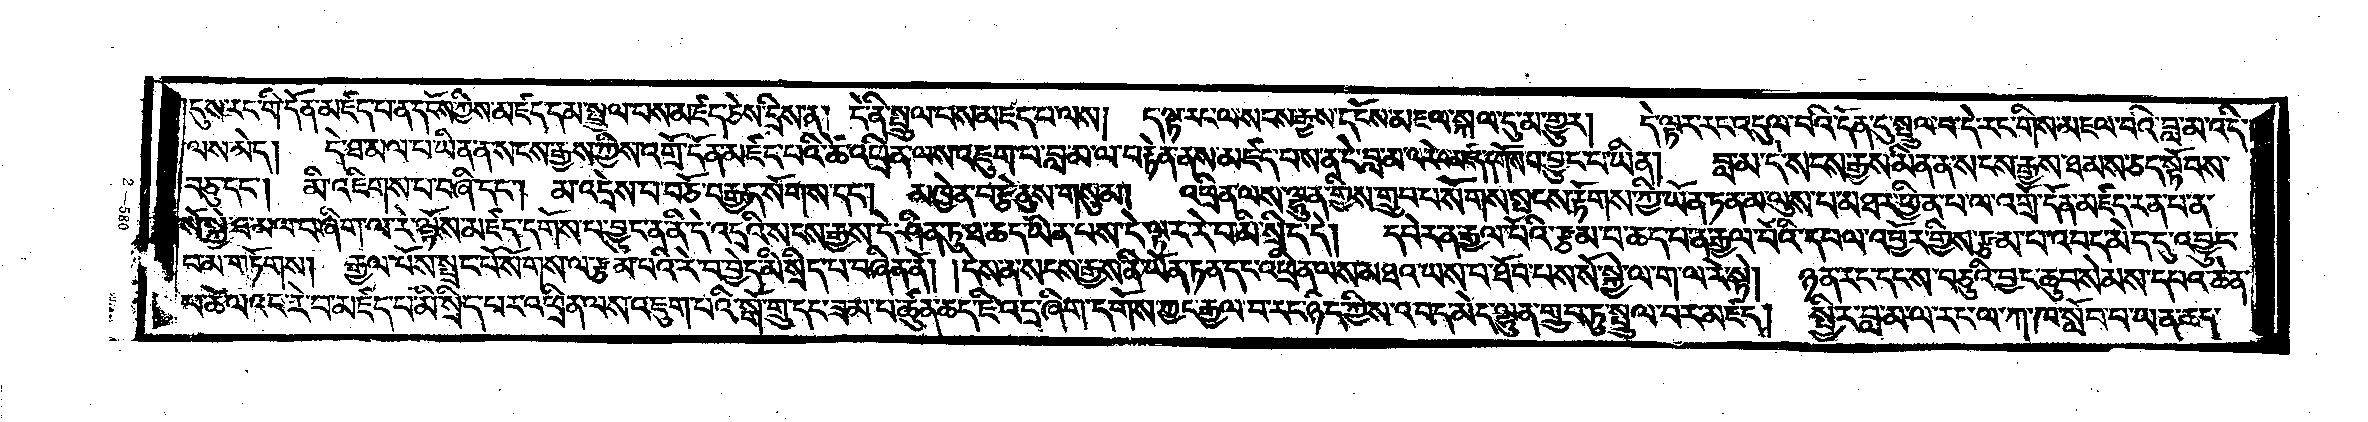དུས་རང་གི་དོན་མཛད་པ་ན་དངོས་ཀྱིས་མཛད་དམ་སྤྲུལ་པས་མཛད་ཅེས་དྲིས་ན། དེ་ནི་སྤྲུལ་པས་མཛད་པ་ལས། ད་ལྟ་རང་ལ་སངས་རྒྱས་དངོས་མཇལ་སྐལ་དུ་མ་གྱུར། དེ་ལྟར་རང་འདུལ་བའི་དོན་དུ་སྤྲུལ་བ་དེ་རང་གིས་མཇལ་བའི་བླ་མ་འདི་
ལས་མེད། དེ་ཐ་མལ་པ་ཡིན་ན་སངས་རྒྱས་ཀྱིས་འགྲོ་དོན་མཛད་པའི་ཚེ་འཕྲིན་ལས་འཇུག་པ་བླ་མ་ལ་བརྟེན་ནས་མཛད་པས་ན་དེ་བླ་མ་ལ་རེ་བ་མཛད་དགོས་བ་བྱུང་བ་ཡིན། བླ་མ་དེ་སངས་རྒྱས་མིན་ན་སངས་རྒྱས་ཐམས་ཅད་སྟོབས་
བཅུ་དང་། མི་འཇིགས་པ་བཞི་དང་། མ་འདྲེས་པ་བཅོ་བརྒྱད་སོགས་དང་། མཁྱེན་བརྩེ་ནུས་གསུམ། འཕྲིན་ལས་ལྷུན་གྱིས་གྲུབ་པ་སོགས་སྤངས་རྟོགས་ཀྱི་ཡོན་ཏན་མ་ལུས་པ་མཐར་ཕྱིན་པ་ལ་འགྲོ་དོན་མཛད་རན་པ་ན་
སོ་སྐྱེ་ཐ་མལ་བ་ཞིག་ལ་རེ་ལྟོས་མཛད་དགོས་པ་བྱུང་ན་ནི་དེ་འདྲའི་སངས་རྒྱས་དེ་ཤིན་ཏུ་ཐ་ཆད་ཡིན་པས་དེ་ལྟར་རེ་བ་མི་སྲིད་དེ། དཔེར་ན་རྒྱལ་པོའི་རྩམ་པ་ཆད་པ་ན་རྒྱལ་པོའི་དཔལ་འབྱོར་གྱིས་རྩམ་པ་འབད་མེད་དུ་འབྱུང་
བ་མ་གཏོགས། རྒྱལ་པོས་སྤྲང་པོ་སོགས་ལ་རྩམ་པའི་རེ་བ་བྱེད་མི་སྲིད་པ་བཞིན་ནོ། །དེས་ན་སངས་རྒྱས་ནི་ཡོན་ཏན་དང་འཕྲིན་ལས་མཐའ་ཡས་པ་ཐོབ་པས་སོ་སྐྱེ་ལ་ག་ལ་རེ་སྟེ། ཉན་རང་དང་ས་བཅུའི་བྱང་ཆུབ་སེམས་དཔའ་ཆེན་
པ་ཚེ་ལའང་རེ་བ་མཛད་པ་མི་སྲིད་པར་འཕྲིན་ལས་འཇུག་པའི་སྒོ་གྲུ་དང་ཟམ་པ་ཚུན་ཆད་ཇི་འདྲ་ཞིག་དགོས་ཀྱང་རྒྱལ་བ་རང་ཉིད་ཀྱིས་འབད་མེད་ལྷུན་གྲུབ་ཏུ་སྤྲུལ་བར་མཛད། སྤྱིར་བླ་མ་ལ་རང་ལ་ཀ་ཁ་སློབ་པ་ཡན་ཆད་